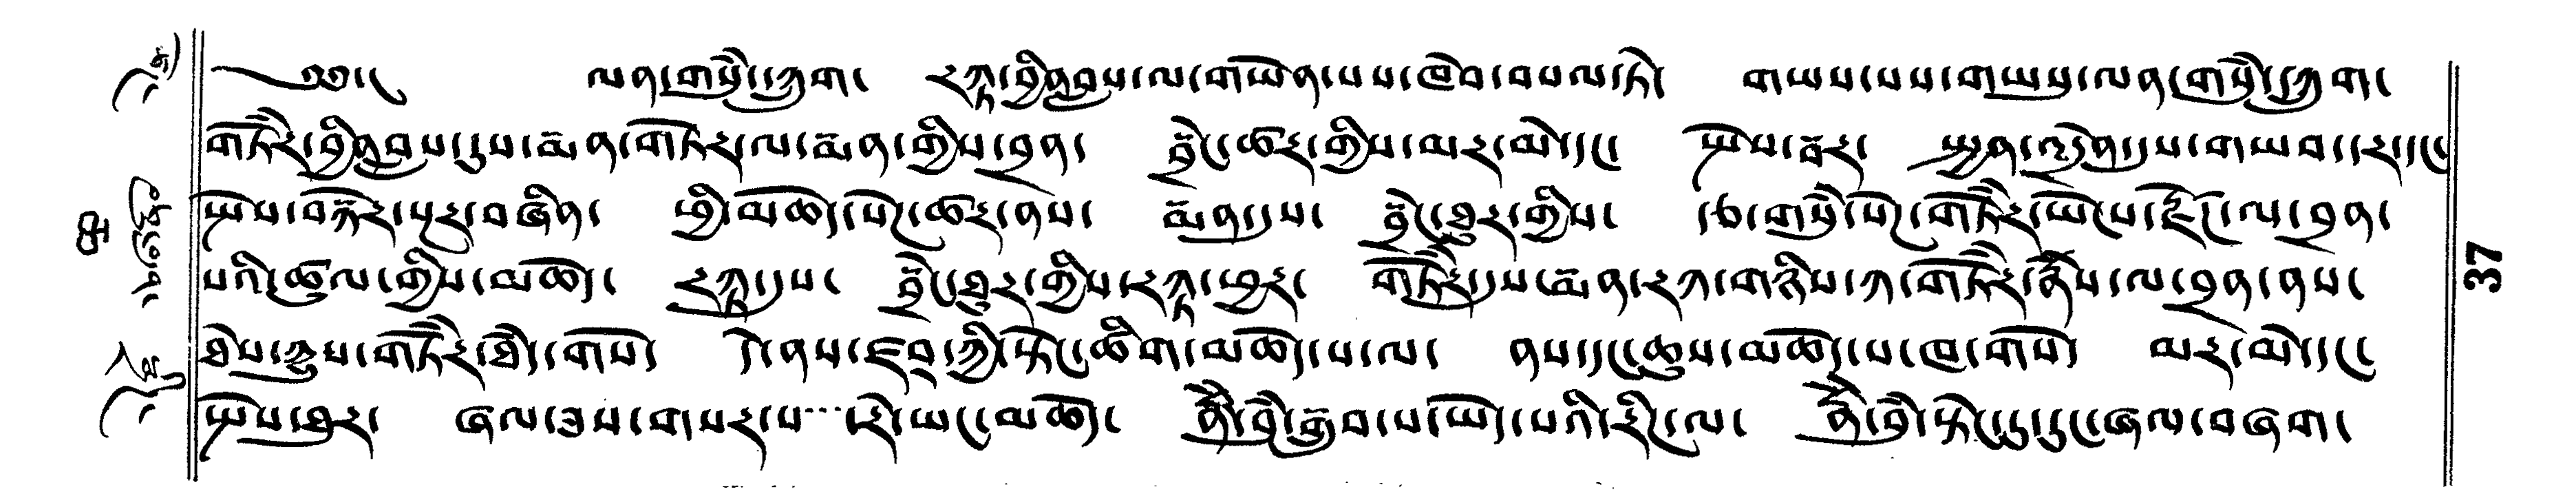ལན་གསུམ་དཀྲུག རཀྟ་བྱིན་རླབས་ལ་གཡོན་པས་ཁེབ་བསལ་ཏེ། གཡས་པས་གཡས་སུ་ལན་གསུམ་དཀྲུག 
གཏོར་མ་བྱིན་རླབས་དུས་སྨན་གཏོར་ལ་སྨན་གྱིས་བྲན། སྦྲེང་ཚར་གྱིས་མར་མེ་དང་། སྤོས་སྦར། སྤྱན་འདྲེན་དུས་གཡབ་དར་དང་
སྤོས་བསྐོར་སྔར་བཞིན། ཕྱི་མཆོད་སོགས་ཚར་ནས། སྨན་དུས། སྦྲེང་ཐུར་གྱིས། རྩ་གསུམ་སོགས་གཏོར་མ་ཡོངས་རྫོགས་ལ་བྲན་
པའི་ཚུལ་གྱིས་མཆོད། རཀྟ་དུས། སྦྲེང་ཐུར་གྱི་རཀྟ་ཕྱར། གཏོར་མ་དུས་སྨན་རཀྟ་གཉིས་ཀ་གཏོར་མ་རྣམས་ལ་བྲན་ནས་
མཐེབ་སྐྱུས་གཏོར་མ་ཐམས་ཅད་གསོ། དེ་ནས་འཛབ་ཀྱི་སྟོང་ཚིག་མཆོད་པ་ལ། ནས་དང་ཆུས་མཆོད་པ་ཁ་གསོ། མར་མེ་དང་
སྤོས་ཐུར། ཞལ་ཟས་གསར་པ་རེ་ཡང་མཆོད། རྣམ་བུམ་སྒྲུབ་པ་ཡོད་པའིརིགས་ལ། རྣམ་བུམ་སྟེང་དུ་དུང་ཞལ་བཞག